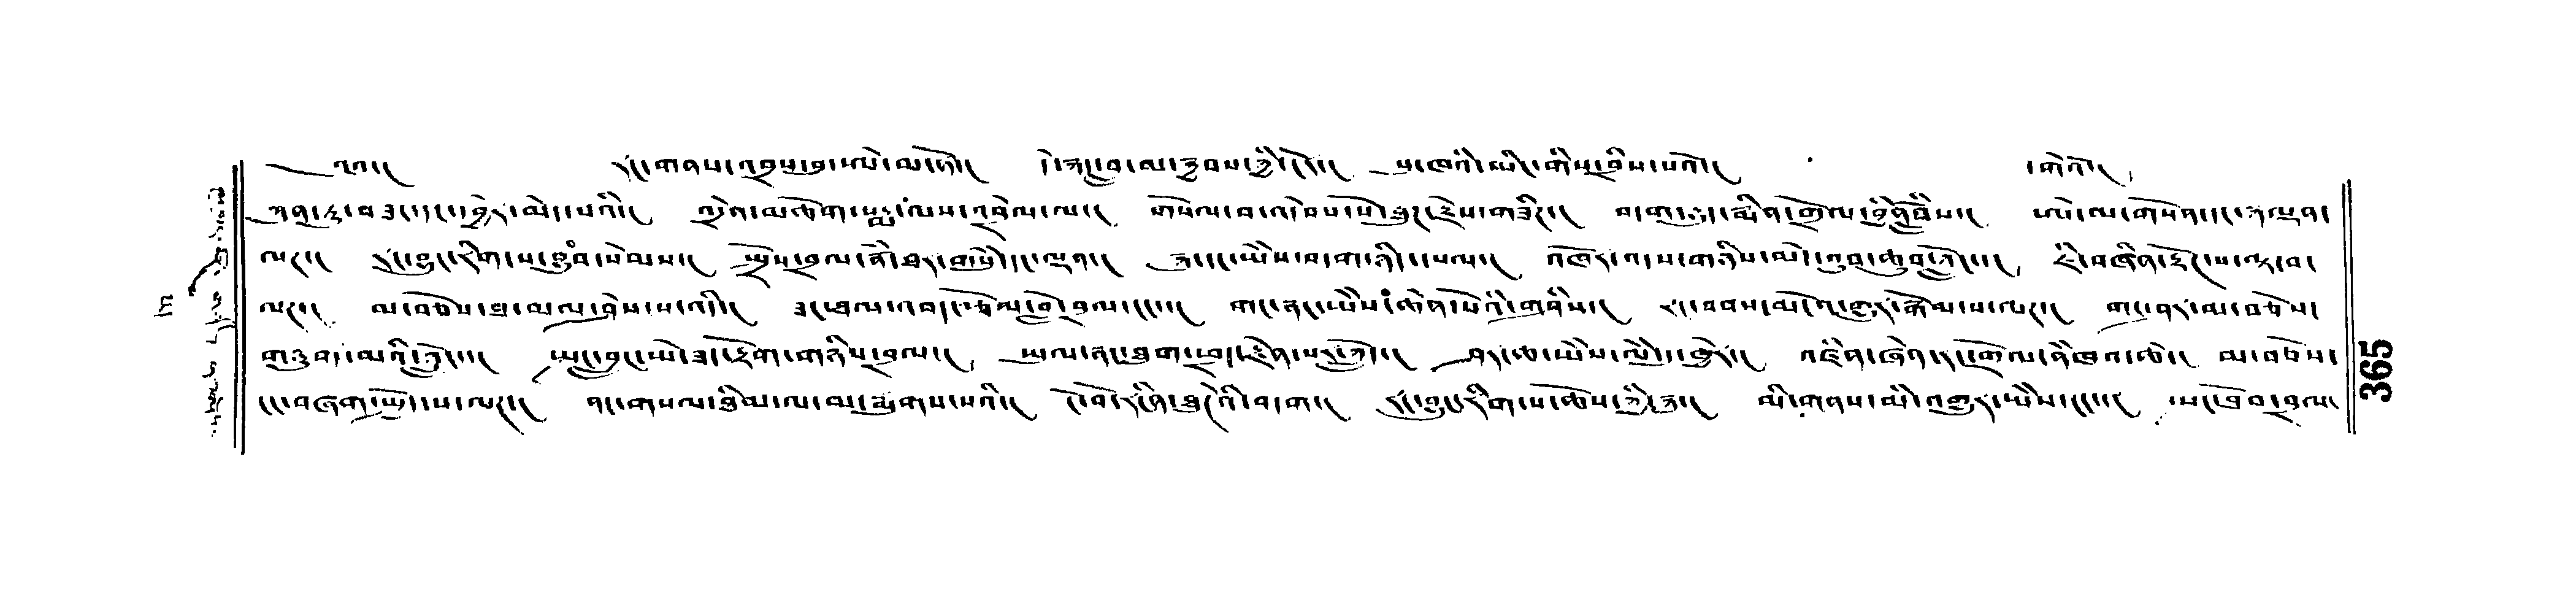།རང་གནས་འབྲས་བུ་ཨེ་མ་ཧོ། །དེ་སྐད་བླ་མ་སྐྱབས་ཀྱི་ངོར། །སུ་ཁའི་མིང་གིས་བྲིས་པའོ།། དགེའོ།། 
ཀུན་ཏུ་བཟང་དང་དབྱེར་མེད་པའི། །འདྲེན་མཆོག་པདྨ་ལས་འབྲེལ་ལ། །གསོལ་བ་འདེབས་སོ་ཐུགས་རྗེས་གཟིགས། །བདག་རྒྱུད་སྨིན་གྲོལ་བྱིན་གྱིས་རློབས། །ཨེ་མ་གསོན་དང་སྐལ་ལྡན་
ལགས། །རང་བྱུང་རིག་པ་བྱང་ཆུབ་སེམས། །སྤྲོས་བྲལ་རྣམ་ཐར་གསུམ་དང་ལྡན། །སྐུ་དང་ཡེ་ཤེས་བདག་ཉིད་དཔལ། །འཁོར་འདས་གཉིས་མེད་འུབ་ཆུབ་ཀློང་། །ཇི་བཞིན་རྟོགས་པ་ལྟ་བ་
ལགས། །མ་བཅོས་ཐ་མལ་ཤེས་པ་འདི། །ཟང་ཐལ་འབད་རྩོལ་བློ་བྲལ་ངང་། །གང་སྣང་ཡེ་ཤེས་ཆེན་པོའི་གཤིས། །རང་བབས་མངོན་གྱུར་སྒོམ་པ་ལགས། །གང་ཤར་མ་བཅོས་
གཉུག་མའི་ཀློང་། །སྤང་བླང་ཡེ་ཟད་རྟོག་གཉིས་བྲལ། །ཡུལ་སྣང་ཐུག་ཕྲད་རྗེན་པར་གློད། །ཤར་ཆ་ཡེ་ཤེས་ལམ་དུ་ཁྱེར། །འཛིན་ཞེན་རང་གྲོལ་ནམ་མཁའ་ཆེ། །མ་བཅོས་
ངང་བཞག་སྤྱོད་པ་ལགས། །ནང་གསལ་ཐིམ་ལ་མ་རྨུགས་པའི། །ངོ་བོ་རང་བཞིན་ཐུགས་རྗེའི་བདག །རང་བྱུང་རིག་པ་ཆོས་ཀྱི་སྐུ། །མི་གནས་མི་འགྱུར་ཡེ་ཤེས་ངང་། །སྤང་ཐོབ་བྲལ་